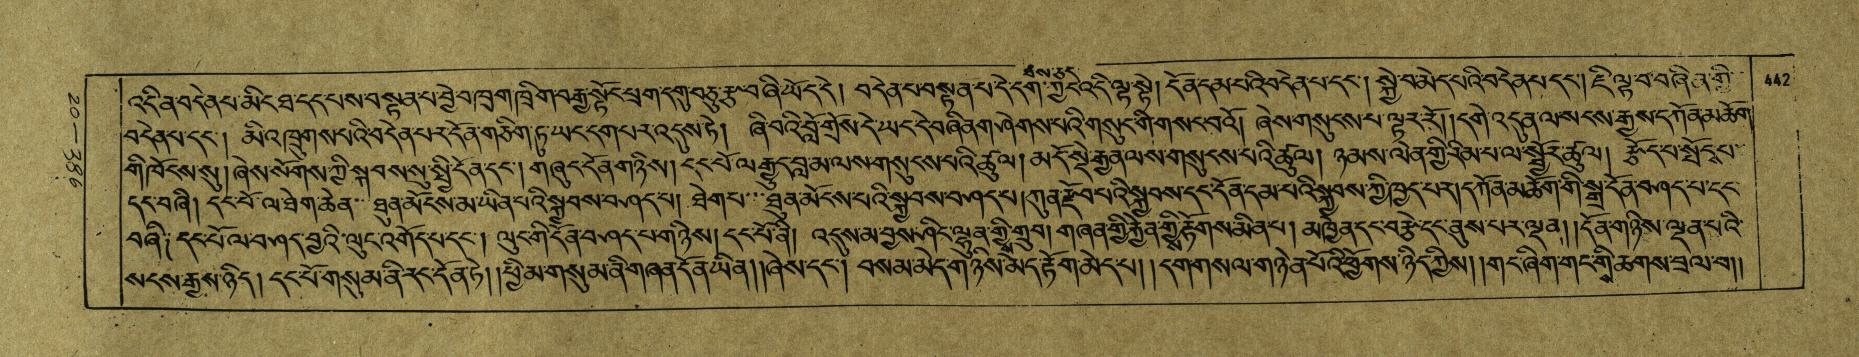འདི་ན་བདེན་པ་མིང་ཐ་དད་པས་བསྟན་པ་བྱེ་བ་ཁྲག་ཁྲིག་བརྒྱ་སྟོང་ཕྲག་དགུ་བཅུ་རྩ་བཞི་ཡོད་དེ། བདེན་པ་བསྟན་པ་དེ་དག་ཐཾས་ཅད་ཀྱང་འདི་ལྟ་སྟེ། དོན་དམ་པའི་བདེན་པ་དང་། སྐྱེ་བ་མེད་པའི་བདེན་པ་དང་། ཇི་ལྟ་བ་བཞིན་གྱི་
བདེན་པ་དང་། མི་འཁྲུགས་པའི་བདེན་པར་དོན་གཅིག་ཏུ་ཡང་དག་པར་འདུས་ཏེ། ཞི་བའི་བློ་གྲོས་དེ་ཡང་དེ་བཞིན་གཤེགས་པའི་གསུང་གི་གསང་བའོ། ཞེས་གསུངས་པ་ལྟར་རོ། །དགེ་འདུན་ལ་སངས་རྒྱས་དཀོན་མཆོག་
གི་ཁོངས་སུ། ཞེས་སོགས་ཀྱི་སྐབས་སུ་སྤྱི་དོན་དང་། གཞུང་དོན་གཉིས། དང་པོ་ལ་རྒྱུད་བླ་མ་ལས་གསུངས་པའི་ཚུལ། མདོ་སྡེ་རྒྱན་ལས་གསུངས་པའི་ཚུལ། ཉམས་ལེན་གྱི་རིམ་པ་ལ་སྦྱོར་ཚུལ། རྩོད་པ་སྤོངས་པ་
དང་བཞི། དང་པོ་ལ་ཐེག་ཆེན་ཐུན་མོངས་མ་ཡིན་པའི་སྐྱབས་བཤད་པ། ཐེག་པ་ཐུན་མོངས་པའི་སྐྱབས་བཤད་པ། ཀུན་རྫོབ་པའི་སྐྱབས་དང་དོན་དམ་པའི་སྐྱབས་ཀྱི་ཁྱད་པར། དཀོན་མཆོག་གི་སྒྲ་དོན་བཤད་པ་དང་
བཞི༑ དང་པོ་ལ་བཤད་བྱའི་ལུང་འགོད་པ་དང་། ལུང་གི་དོན་བཤད་པ་གཉིས། དང་པོ་ནི། འདུས་མ་བྱས་ཤིང་ལྷུན་གྱིས་གྲུབ། གཞན་གྱི་རྐྱེན་གྱིས་རྟོགས་མིན་པ། མཁྱེན་དང་བརྩེ་དང་ནུས་པར་ལྡན། །དོན་གཉིས་ལྡན་པའི་
སངས་རྒྱས་ཉིད། དང་པོ་གསུམ་ནི་རང་དོན་ཏེ། །ཕྱི་མ་གསུམ་ནི་གཞན་དོན་ཡིན། །ཞེས་དང་། བསམ་མེད་གཉིས་མེད་རྟོག་མེད་པ། །དག་གསལ་གཉེན་པོའི་ཕྱོགས་ཉིད་ཀྱིས། །གང་ཞིག་གང་གིས་ཆགས་བྲལ་བ།།